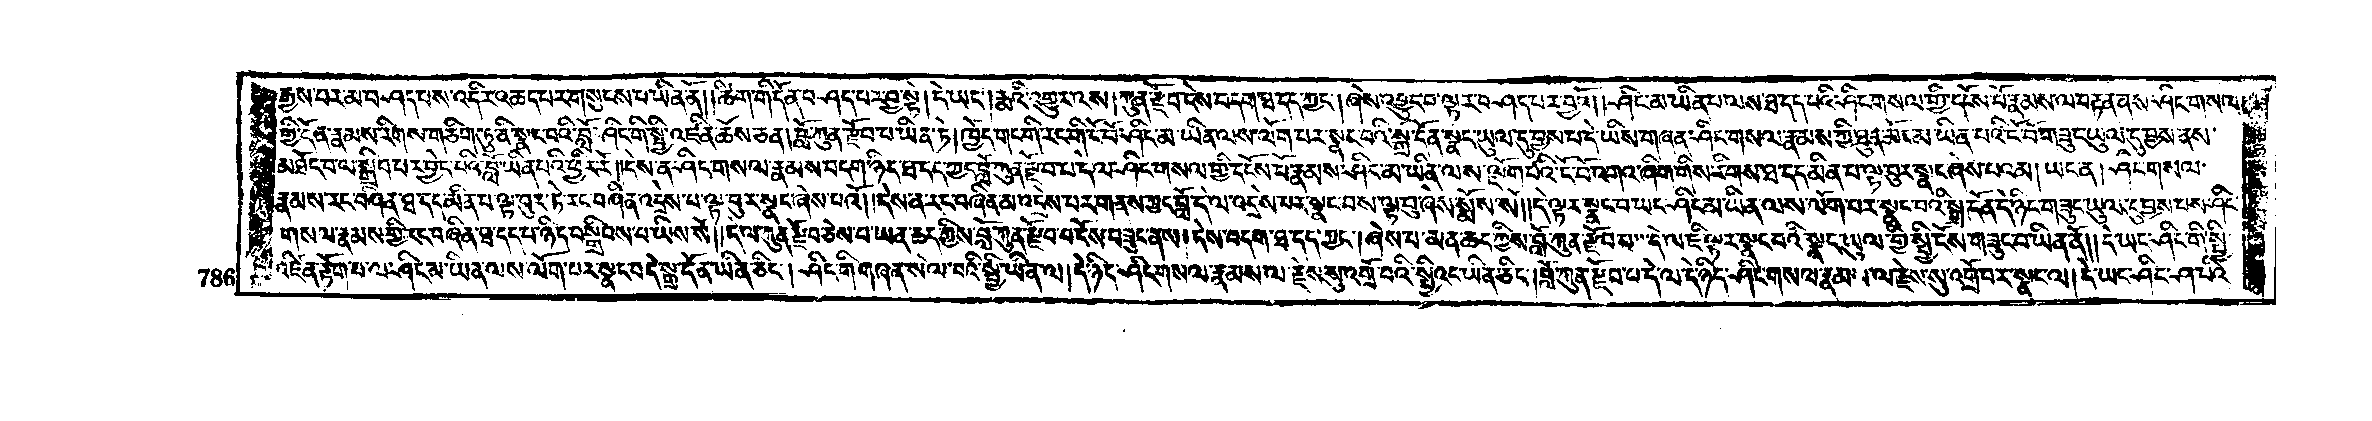རྒྱས་པར་མ་བཤད་པས་འདིར་འཆད་པར་གསུངས་པ་ཡིན་ནོ། །ཚིག་གི་དོན་བཤད་པར་བྱ་སྟེ། དེ་ཡང་། རྨའི་འགྱུར་ལས། ཀུན་རྫོབ་དེས་བདག་ཐ་དད་ཀྱང་། ཞེས་འབྱུང་བ་ལྟར་བཤད་པར་བྱའོ། །ཤིང་མ་ཡིན་པ་ལས་ཐ་དད་པའི་ཤིང་གསལ་གྱི་དངོས་པོ་རྣམས་ལ་བརྟན་ནས་ཤིང་གསལ་
གྱི་དོན་རྣམས་རིགས་གཅིག་ཏུ་ནི་སྣང་བའི་བློ་ཤིང་གི་སྤྱི་འཛིན་ཆོས་ཅན། བློ་ཀུན་རྫོབ་པ་ཡིན་ཏེ། ཁྱོད་གང་གི་རང་གི་ངོ་བོ་ཤིང་མ་ཡིན་ལས་ལོག་པར་སྣང་བའི་སྒྲ་དོན་སྣང་ཡུལ་དུ་བྱས་པ་དེ་ཡིས་གཞན་ཤིང་གསལ་རྣམས་ཀྱི་ཐུན་མོང་མ་ཡིན་པའི་ངོ་བོ་གཟུང་ཡུལ་དུ་བྱས་ནས་
མཐོང་བ་ལ་སྒྲིབ་པར་བྱེད་པའི་བློ་ཡིན་པའི་ཕྱིར་རོ། །དེས་ན་ཤིང་གསལ་རྣམས་བདག་ཉིད་ཐ་དད་ཀྱང་བློ་ཀུན་རྫོབ་པ་དེ་ལ་ཤིང་གསལ་གྱི་དངོས་པོ་རྣམས་ཤིང་མ་ཡིན་ལས་ལྡོག་པའི་ངོ་བོ་འགའ་ཞིག་གིས་རིགས་ཐ་དད་མིན་པ་ལྟ་བུར་སྣང་ཞེས་པའམ། ཡང་ན། ཤིང་གསལ་
རྣམས་རང་བཞིན་ཐ་དད་མིན་པ་ལྟ་བུར་ཏེ་རང་བཞིན་འདྲེས་པ་ལྟ་བུར་སྣང་ཞེས་པའོ། །དེས་ན་རང་བཞིན་མ་འདྲེས་པར་གནས་ཀྱང་བློ་དེ་ལ་འདྲེས་པར་སྣང་བས་ལྟ་བུ་ཞེས་སྨོས་སོ། །དེ་ལྟར་སྣང་བ་ཡང་ཤིང་མ་ཡིན་ལས་ལོག་པར་སྣང་བའི་སྒྲ་དོན་དེ་ཉིད་གཟུང་ཡུལ་དུ་བྱས་པས་ཤིང་
གསལ་རྣམས་གྱི་རང་བཞིན་ཐ་དད་པ་ཉིད་བསྒྲིབས་པ་ཡིས་སོ། །དེ་ལ་ཀུན་རྫོབ་ཅེས་པ་ཡན་ཆད་ཀྱིས་བློ་ཀུན་རྫོབ་པ་ངོས་བཟུང་ནས། དེས་བདག་ཐ་དད་ཀྱང་། ཞེས་པ་མན་ཆད་ཀྱིས་བློ་ཀུན་རྫོབ་པ་དེ་ལ་ཇི་ལྟར་སྣང་བའི་སྣང་ཡུལ་གྱི་སྤྱི་ངོས་གཟུང་བ་ཡིན་ནོ། །དེ་ཡང་ཤིང་གི་སྤྱི་
འཛིན་རྟོག་པ་ལ་ཤིང་མ་ཡིན་ལས་ལོག་པར་སྣང་བ་དེ་སྒྲ་དོན་ཡིན་ཅིང་། ཤིང་གི་གཞན་སེལ་བའི་སྤྱི་ཡིན་ལ། དེ་ཉིད་ཤིང་གསལ་རྣམས་ལ་རྗེས་སུ་འགྲོ་བའི་སྤྱིའང་ཡིན་ཅིང་། བློ་ཀུན་རྫོབ་པ་དེ་ལ་དེ་ཉིད་ཤིང་གསལ་རྣམས་ལ་རྗེས་སུ་འགྲོ་བར་སྣང་ལ། དེ་ཡང་ཤིང་ཤ་པའི་